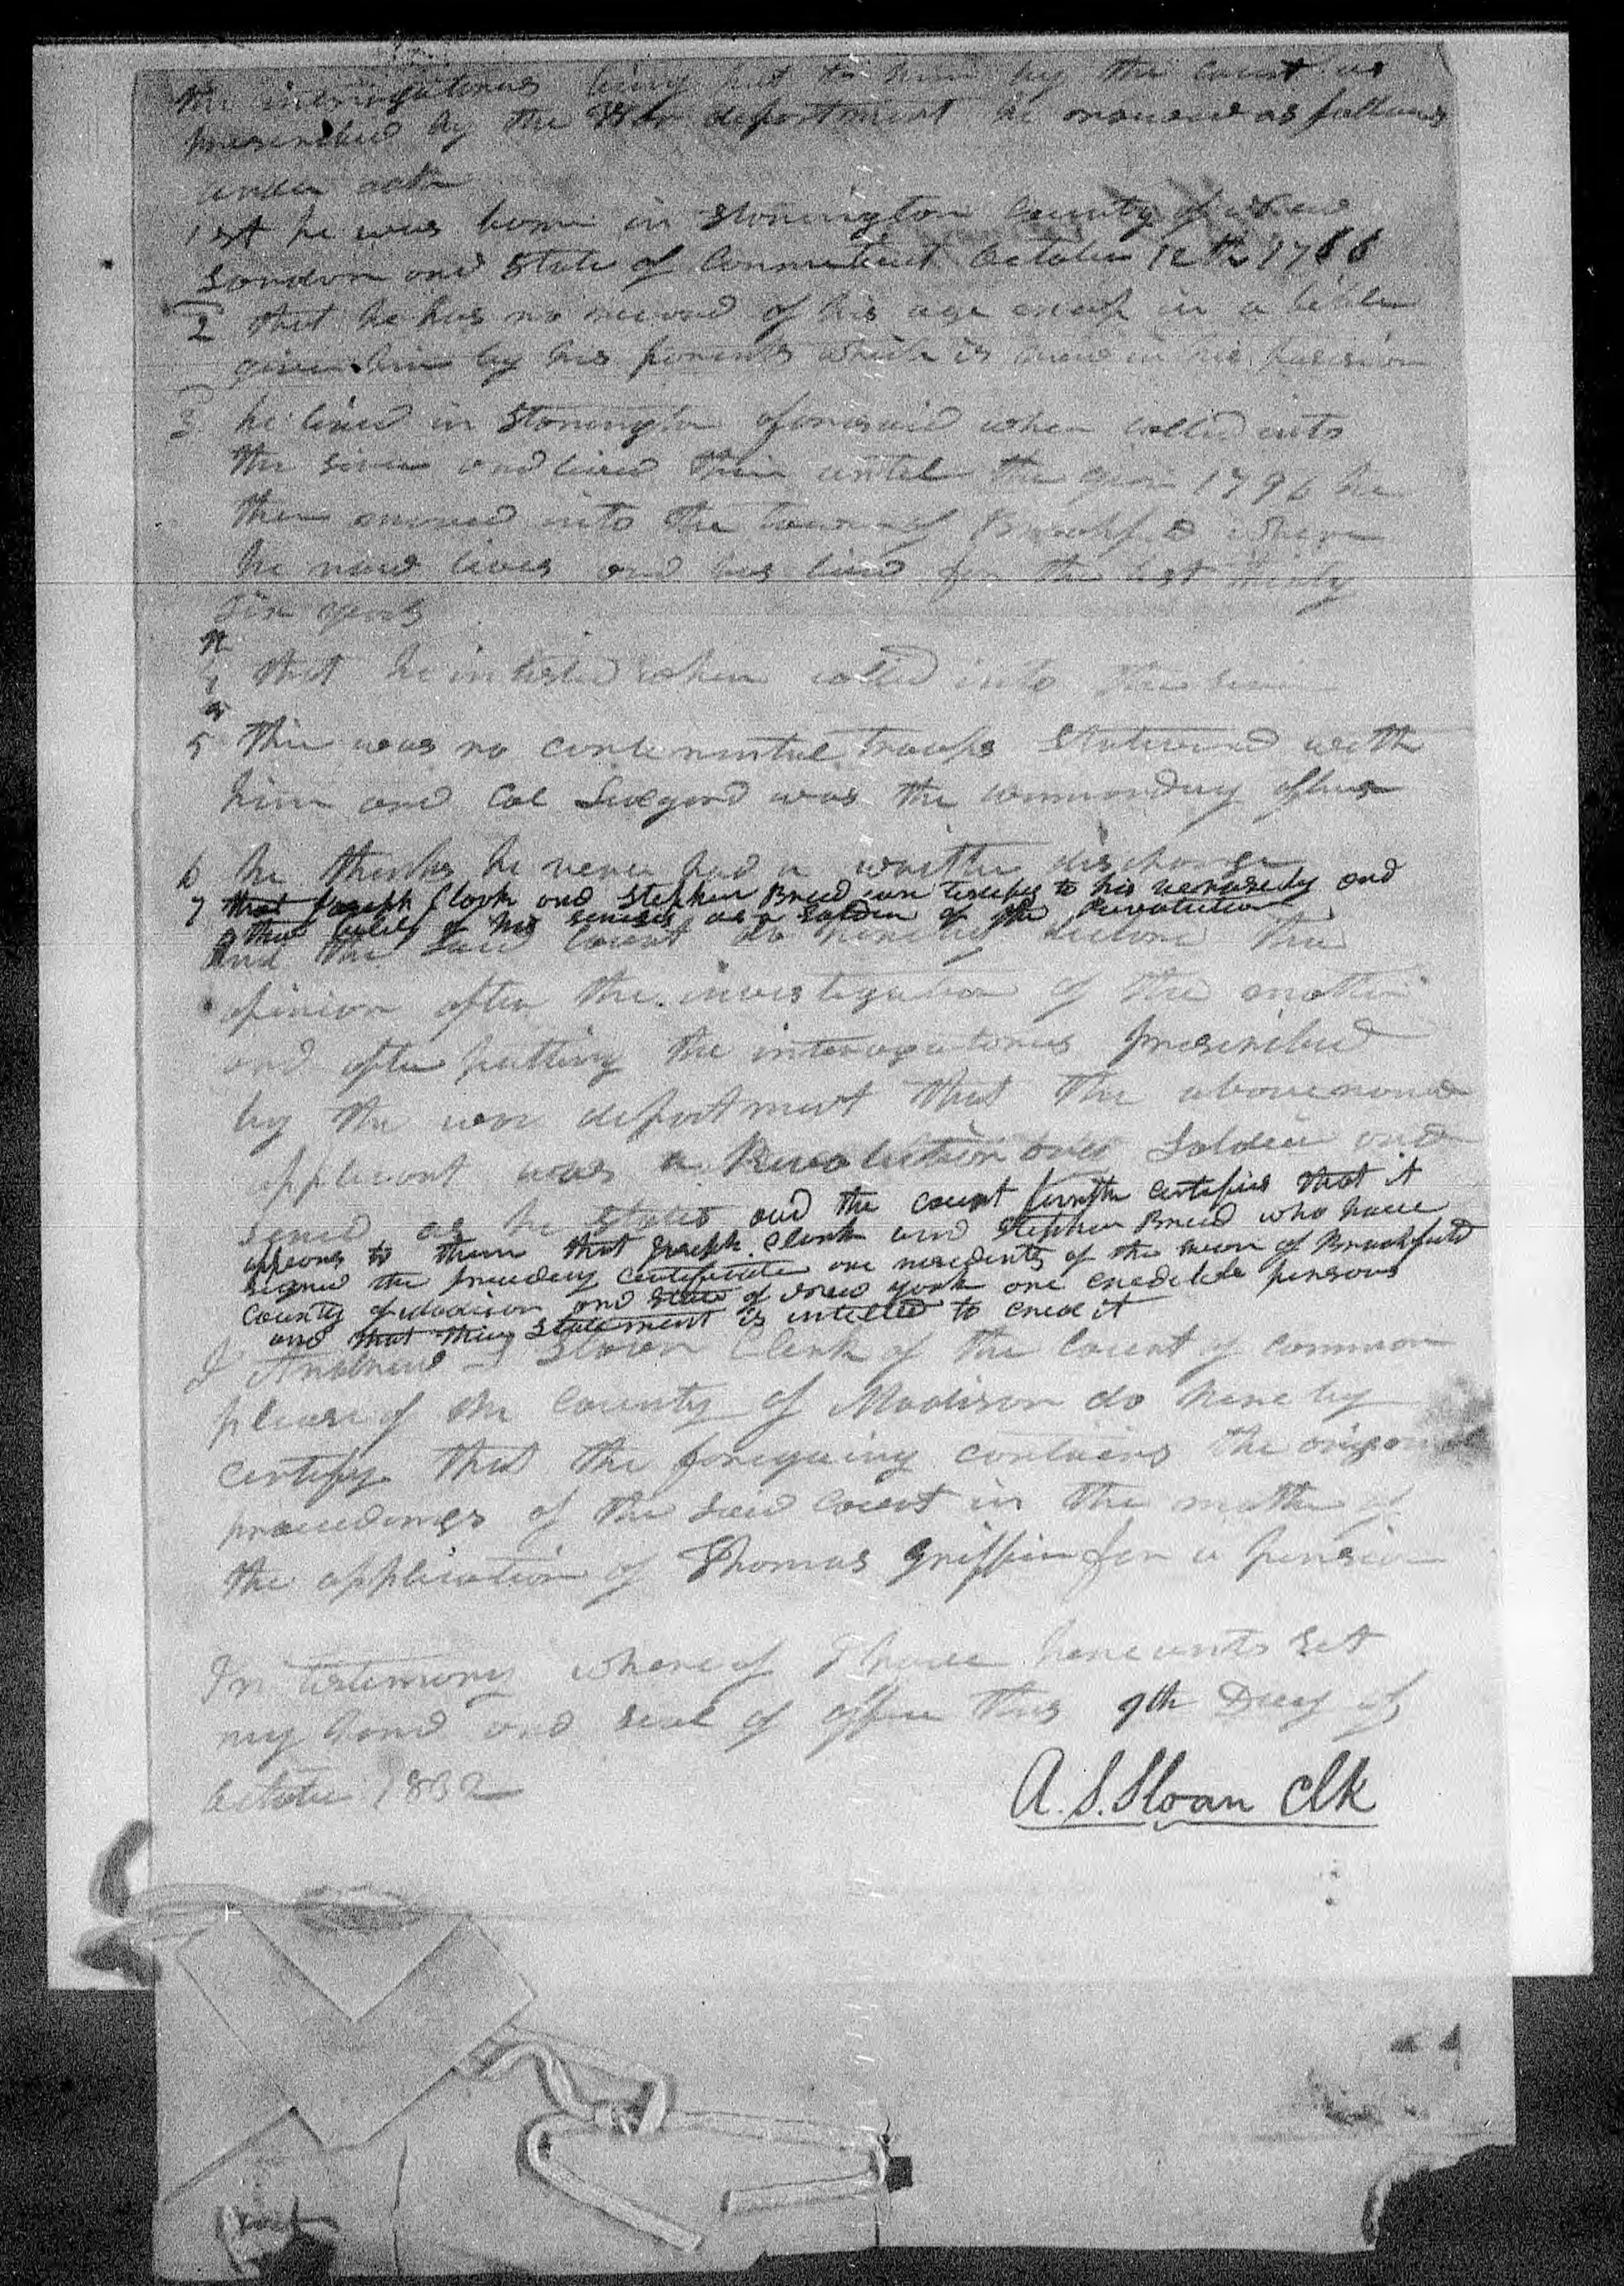The interrogatories being put to him by the court as prescribed by the War Department he answers as follows under oath
1st he was born in Stonington, County of New London and State of Connecticut October 12th 1766
2. that he has no record of his age except in a bible given him by his parents which is now in his possession
3. he lived in Stonington aforesaid when called into the service and lived there until the year 1796 he moved into the town of Brookfield in  Sherm he now lives and has lived for the last thirty six years.
4. that he enlisted when called into the service
5. there was no continental troops stationed with him and Col. Ledyard was the commanding officer
6. he thinks he never had a written discharge
7. that Joseph Clook and Stephen Breed can testify to his veracity and that belief of the services as a soldier of the Revolution 
And the said court does hereby declare their opinion after the investigation of the [unknown word] and after putting the interrogatories prescribed by the War Department that the above named applicant was a Revolutionary Soldier and served as he states and the court further certified that it appears tio them Joseph Clook and Stephen Breed was have signed the preceding certificate are residents of the town of Brookfield County of Madison and state of New York are credible persons and that their statement is entitled to credit
I Andrew S Sloan Clerk of the Court of Common pleas of the County of Madison do hereby certify that the foregoing contains the original proceedings of the said court in the matter of the application of Thomas Griffin for a pension

In testimony whereof I have hereunto set my hand and seal of office this 7th day of October 1832
A. S. Sloan Clk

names: Joseph Clook, Stephen Breed, Stephen Breed, Andrew S Sloan, A S Sloan, Thomas Griffin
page: 6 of 60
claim: widow's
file: W. 19,537, Thomas Griffin, Conn.